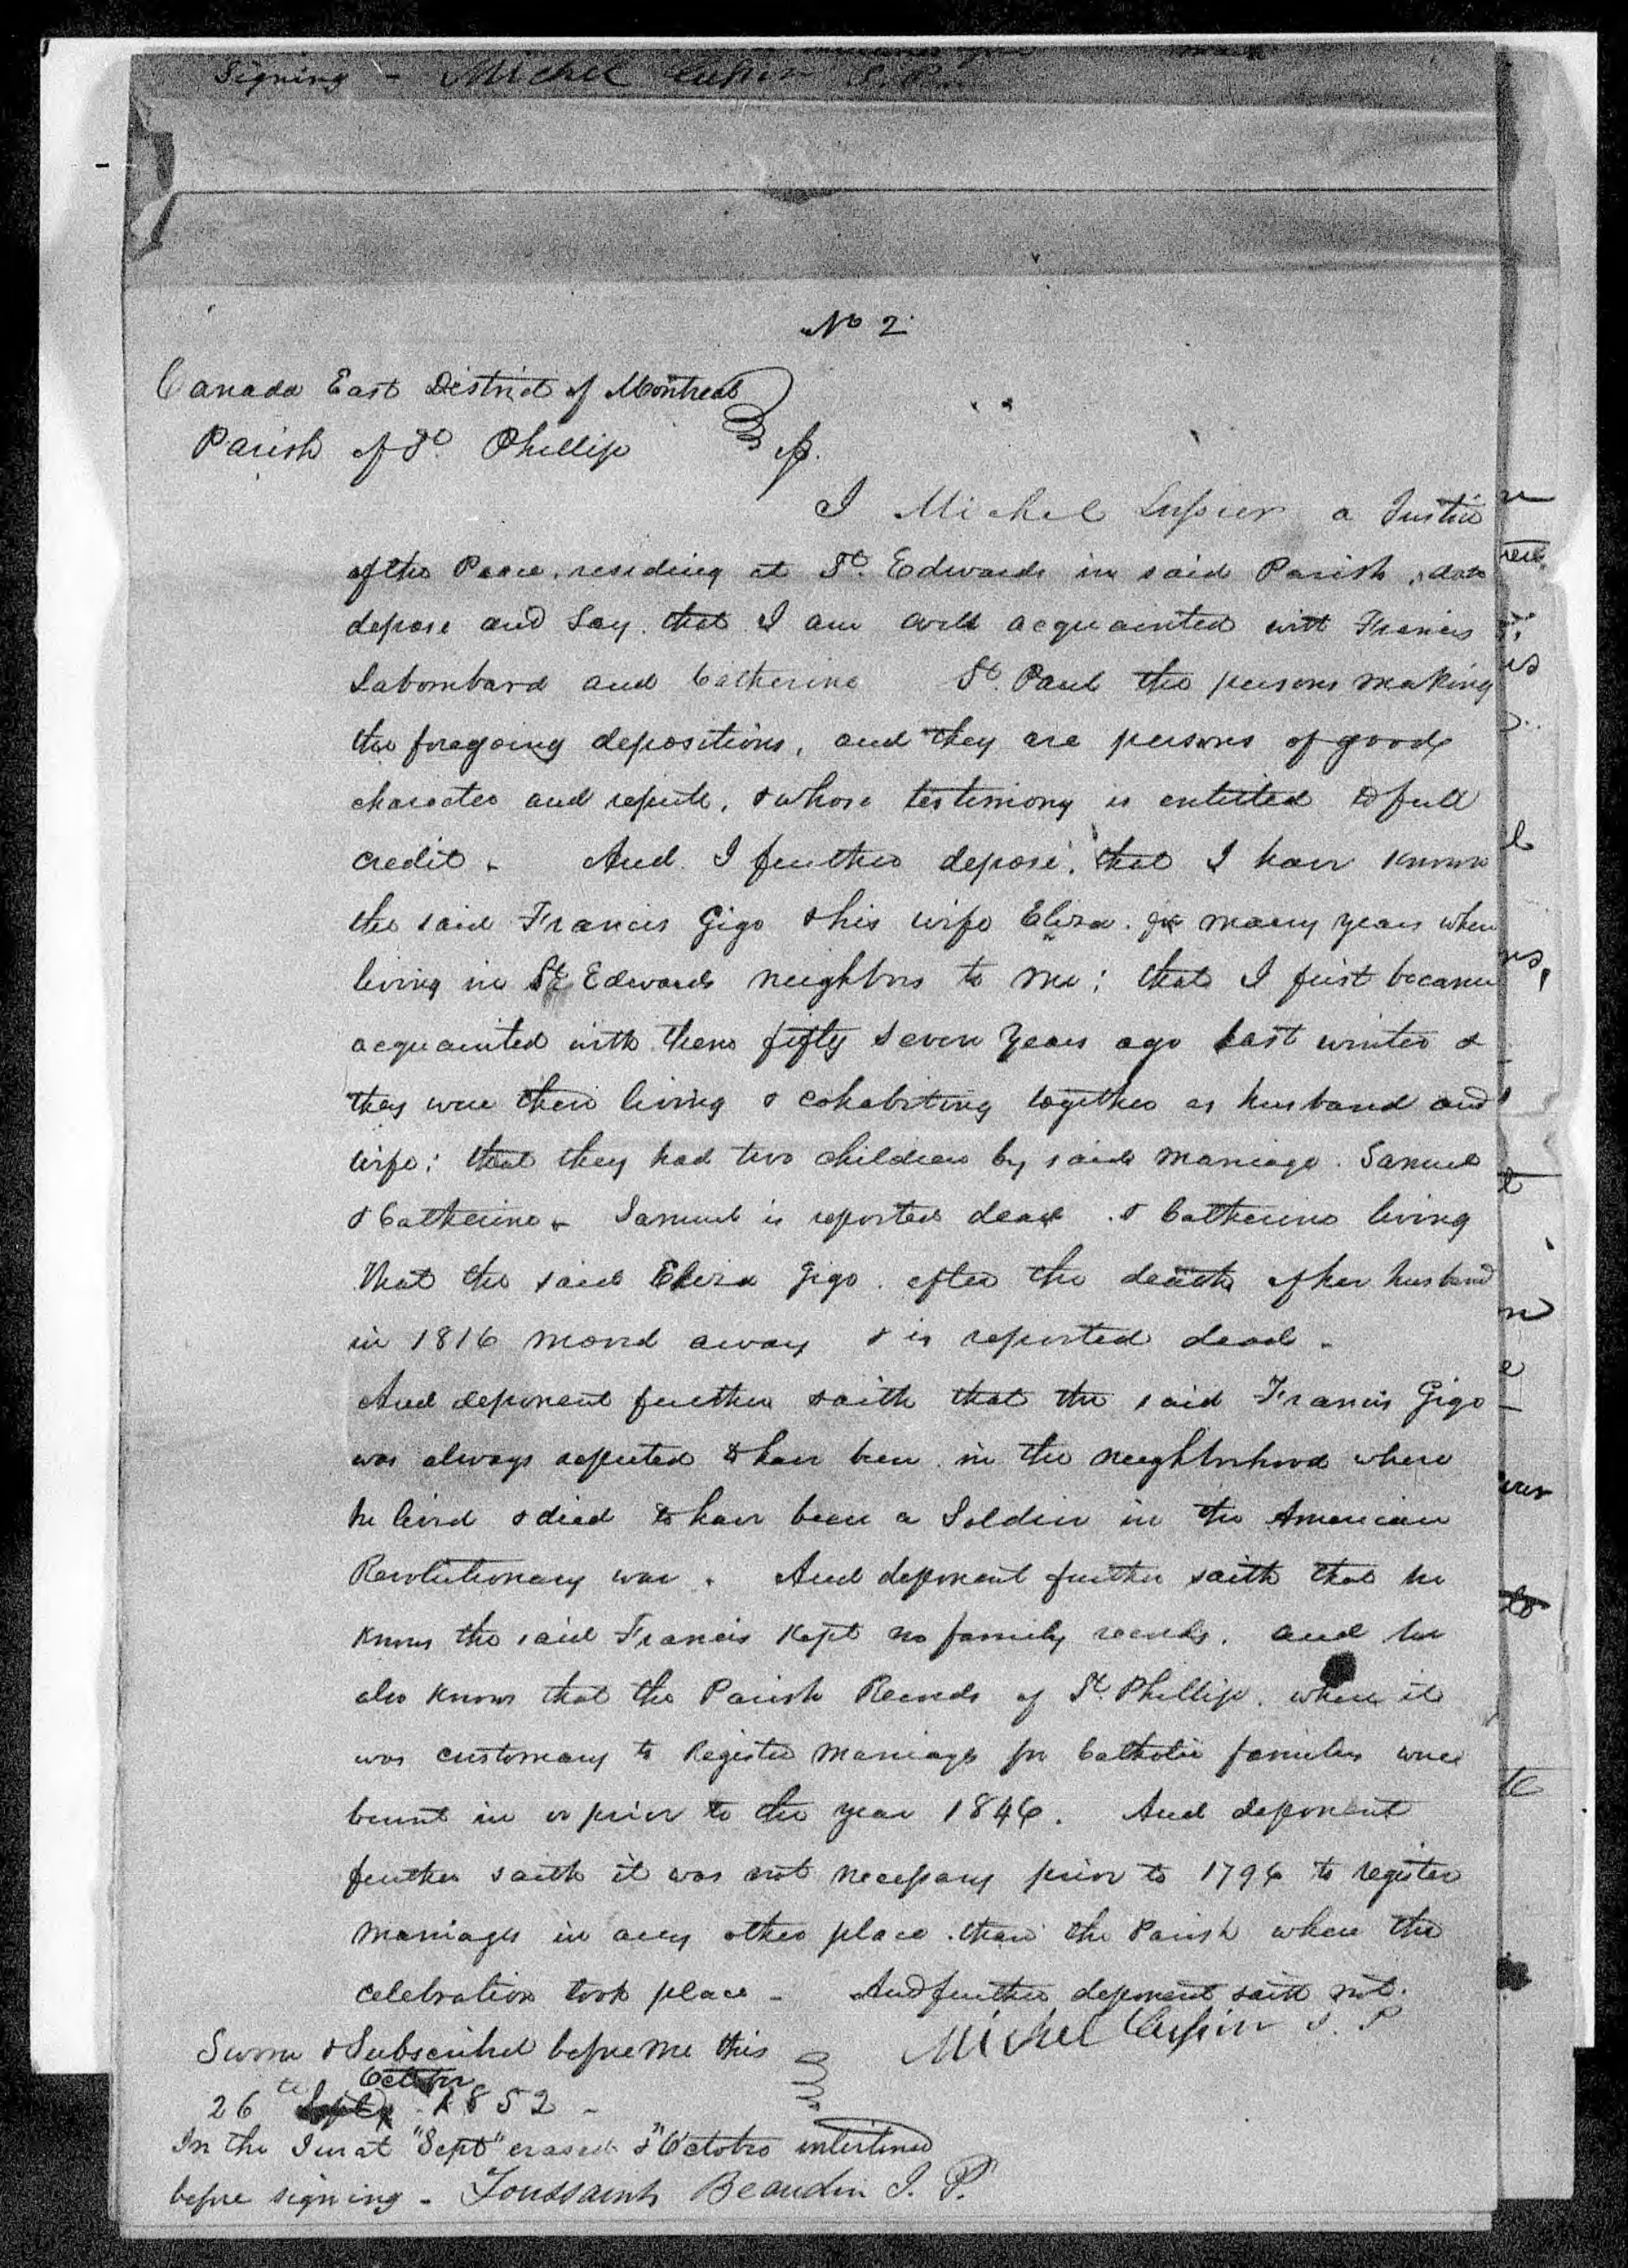No. 2
Canada East  District of Montreal
Parish of St. Phillip  ss
I Michel Lussier a Justice of the Peace, residing at St. Edward in said Parish state and depose and say that I am well acquainted with Francis Labombard and Catherine St. Paul the persons making the foregoing depositions, and they are persons of good character and refute, & whose testimony is entitled to full credit.  
And I further depose that I have known the said Francis Gigo & his wife Eliza for many years when living in St. Edward neighbors to me; that I first became acquainted with them fifty seven years ago last winter & they were there living and cohabiting together as husband and wife; that they had two children by said marriage -Samuel & Catherine & Samuel is reported dead & Catherine living  That the said Eliza Gigo after the death of her husband in 1816 moved away & is reported dead.
And deponent further saith that the said Francis Gigo was always reputed & have been in the neighborhood where he lived & died to have been a Soldier in the American Revolutionary war.
Ad deponent further saith that he knows the said Francis kept no family records, and he also knows that the Parish Records of St. Phillip where it was customary to register marriage for Catholic families were burnt in or prior to the year 1846.
And deponent further saith it was not necessary prior to 1796 to register marriages in any other place than the parish where the celebration took place-
And further the deponent saith not
Michel Cupin J.P.
Sworn & Subscribed before me this 26th October 1852
In the Jurat "Sept" erased and "Octbro interlined before signing - 
Toussaint Beaudin J.P.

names: Francis Labombard, Francis Gigo, Francis Gigo, Michel Lussier, Sanuel, Eliza, Samuel, Eliza Gigo, Catherine, Toussaint Beaudin, Michel Lussier, Catherine St Paul, Francis, Catherine, Michel Lussier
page: 38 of 98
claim: widow's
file: W. 21182, Francis Gigo, Continental (Canadian)